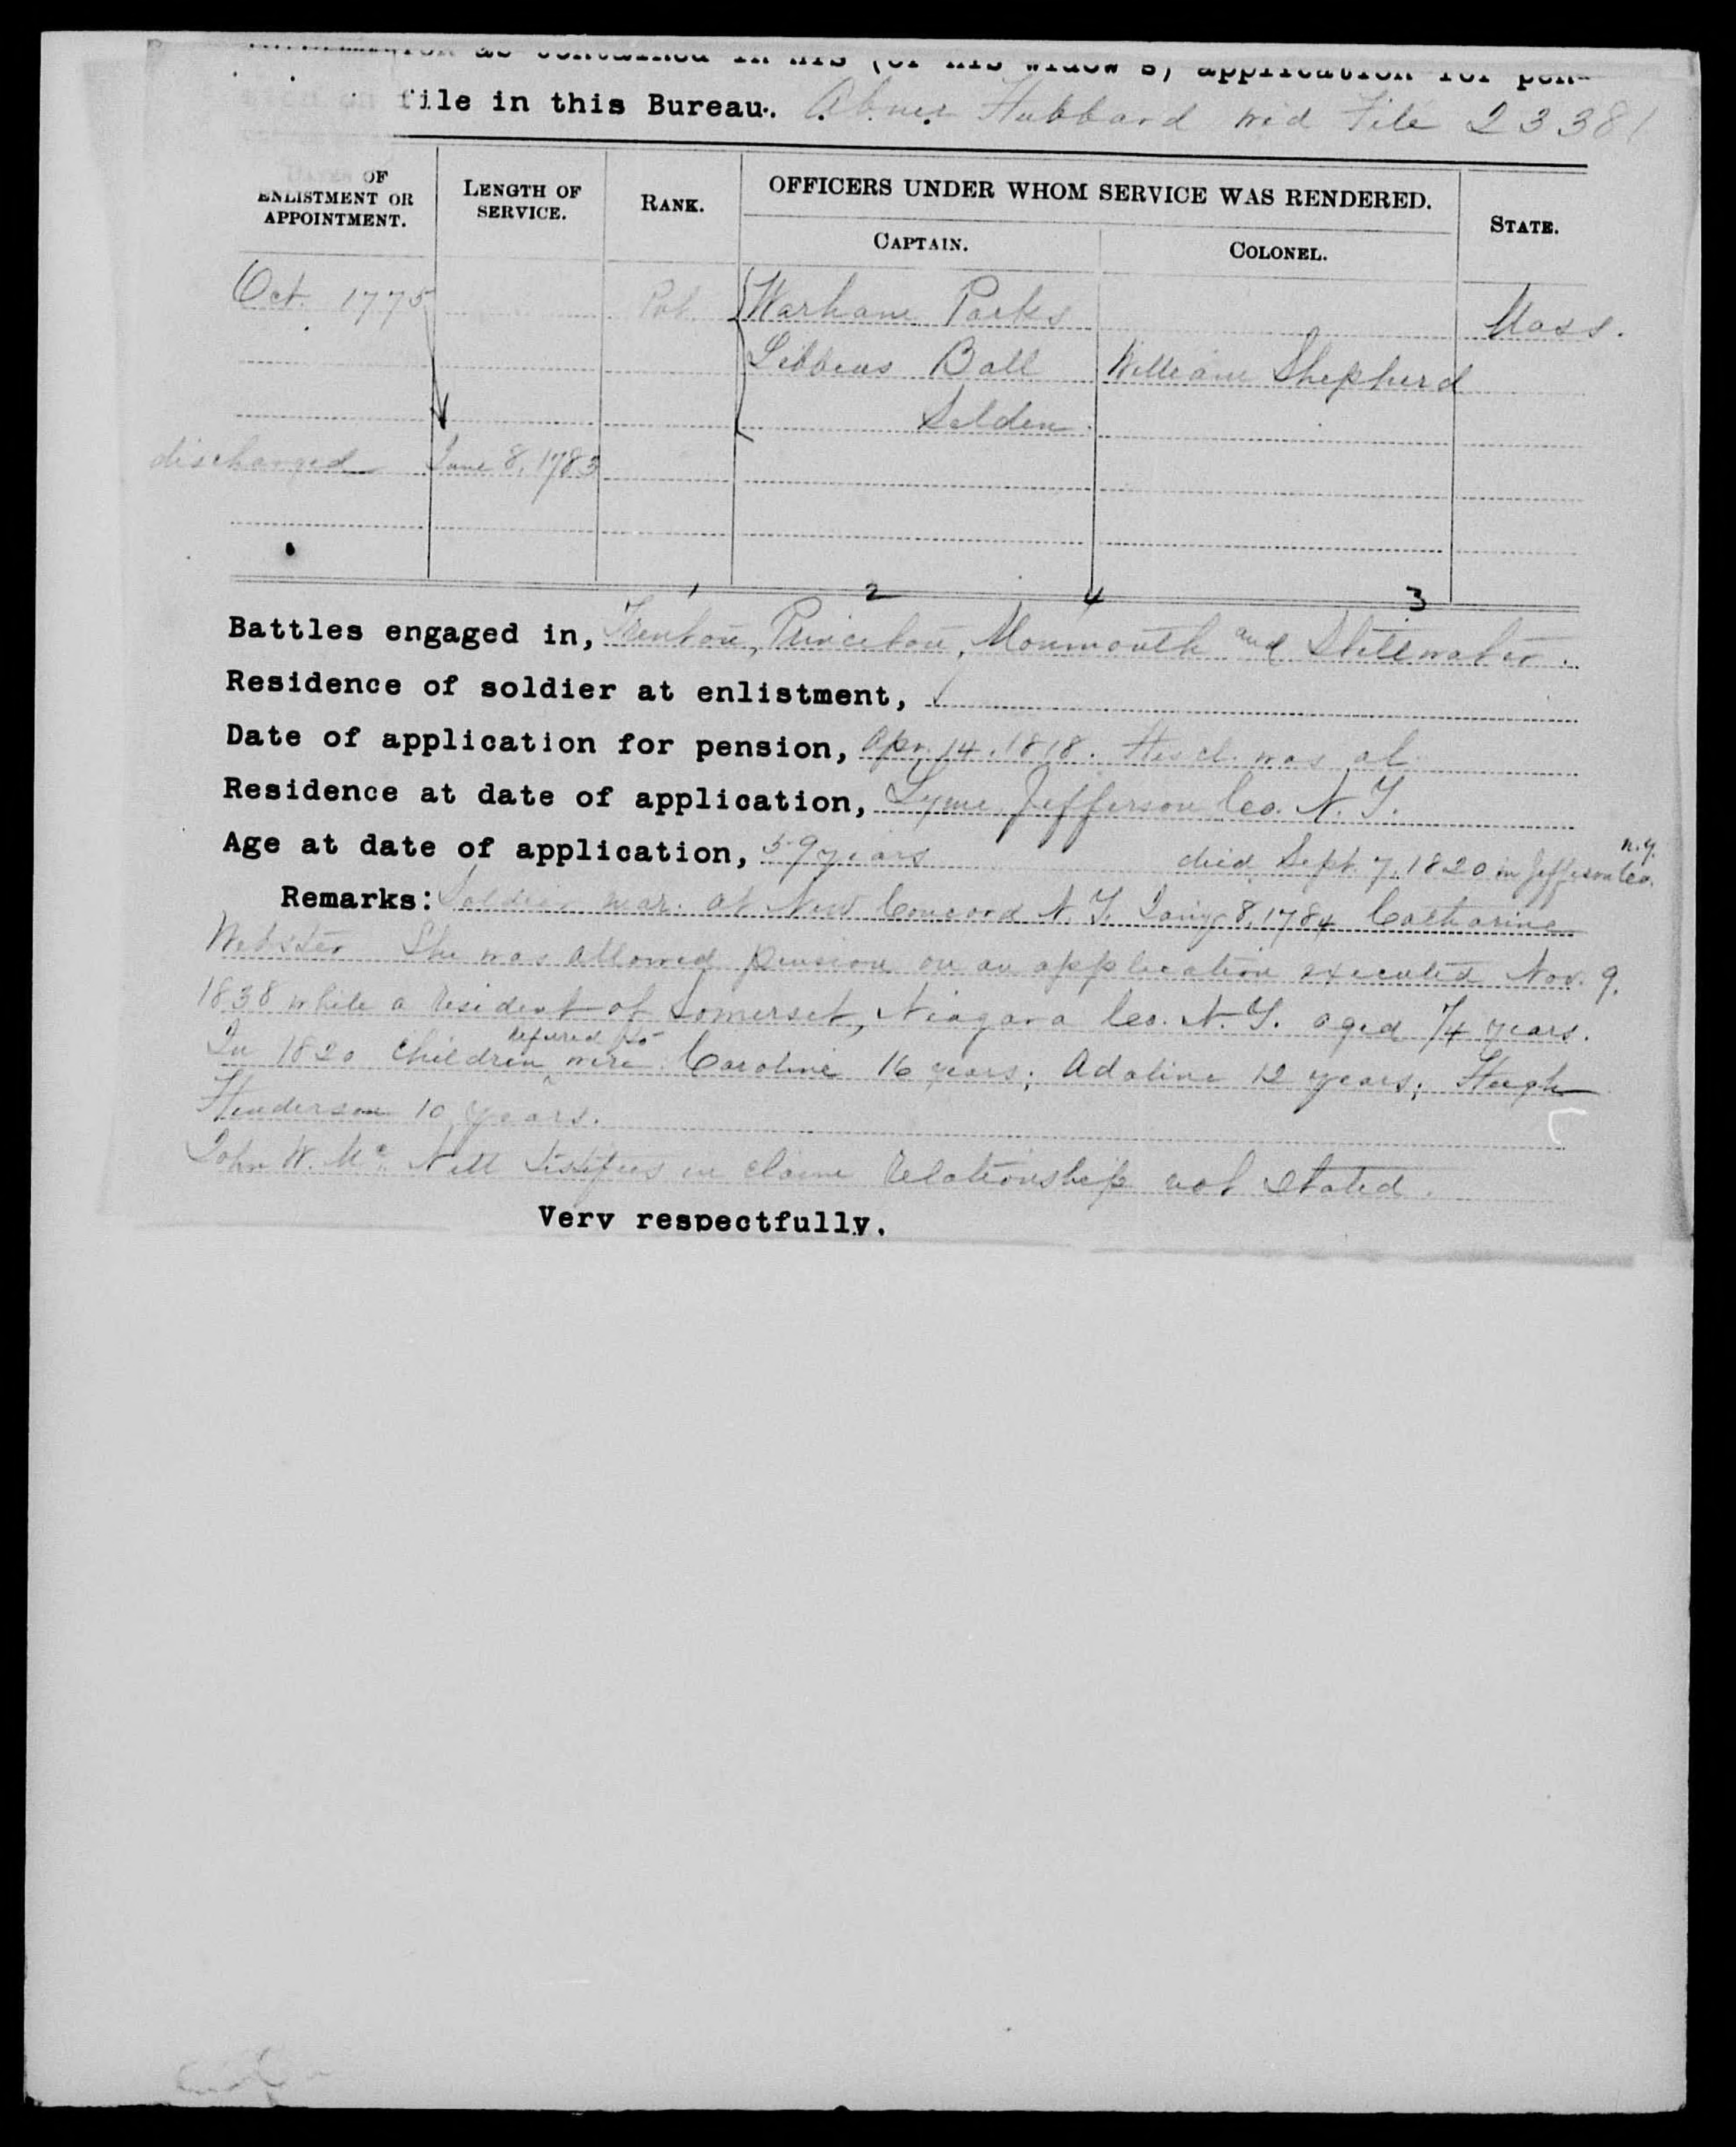Application for Pension
Abner Hubbard [illegible] file 23381
Dates of Enlistment or Appointment  
Oct. 1775
discharged June 8, 1783
Length of Service
Rank  
Pvt. (Private)
Officers Under Whom Service was Rendered
Captain
Warham Park
Libbius Ball
Selden
Colonel
William Shepherd
State
Mass.
Battles engaged in, Trenton, Princeton, Monmouth, and Stillwater
Residence of soldier at enlistment (check mark)
Date of application for pension, April 14, 1818. His [illegible]
Residence at date of application, Lyme Jefferson County N.Y.
Age at date of applicaation, 59 years
Remarks: Soldier, war at New Concord N.J. January 8, 1784 Catharine [illegible] She was allowed pension on an application executed Nov. 9, 1838 while a resident of Somerset, Niagra {illegible} N.Y. aged 74 years. In 1820 children referred to here: Caroline 16 years; Adaline 12 years; Hugh Henderson 10 years.
John W.M. [illegible last name] Justifies in claim Relationship [illegible] as stated. 
Very Respectfully,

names: Caroline Henderson, John W Mc Nitt, William Shepherd, Adaline Henderson, Libbeus Ball, Warham Parks, Hugh Henderson, Catharine Webster, Abner Hubbard, Selden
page: 20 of 38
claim: widow's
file: W. 23,381, Abner Hubbard, Continental Mass.